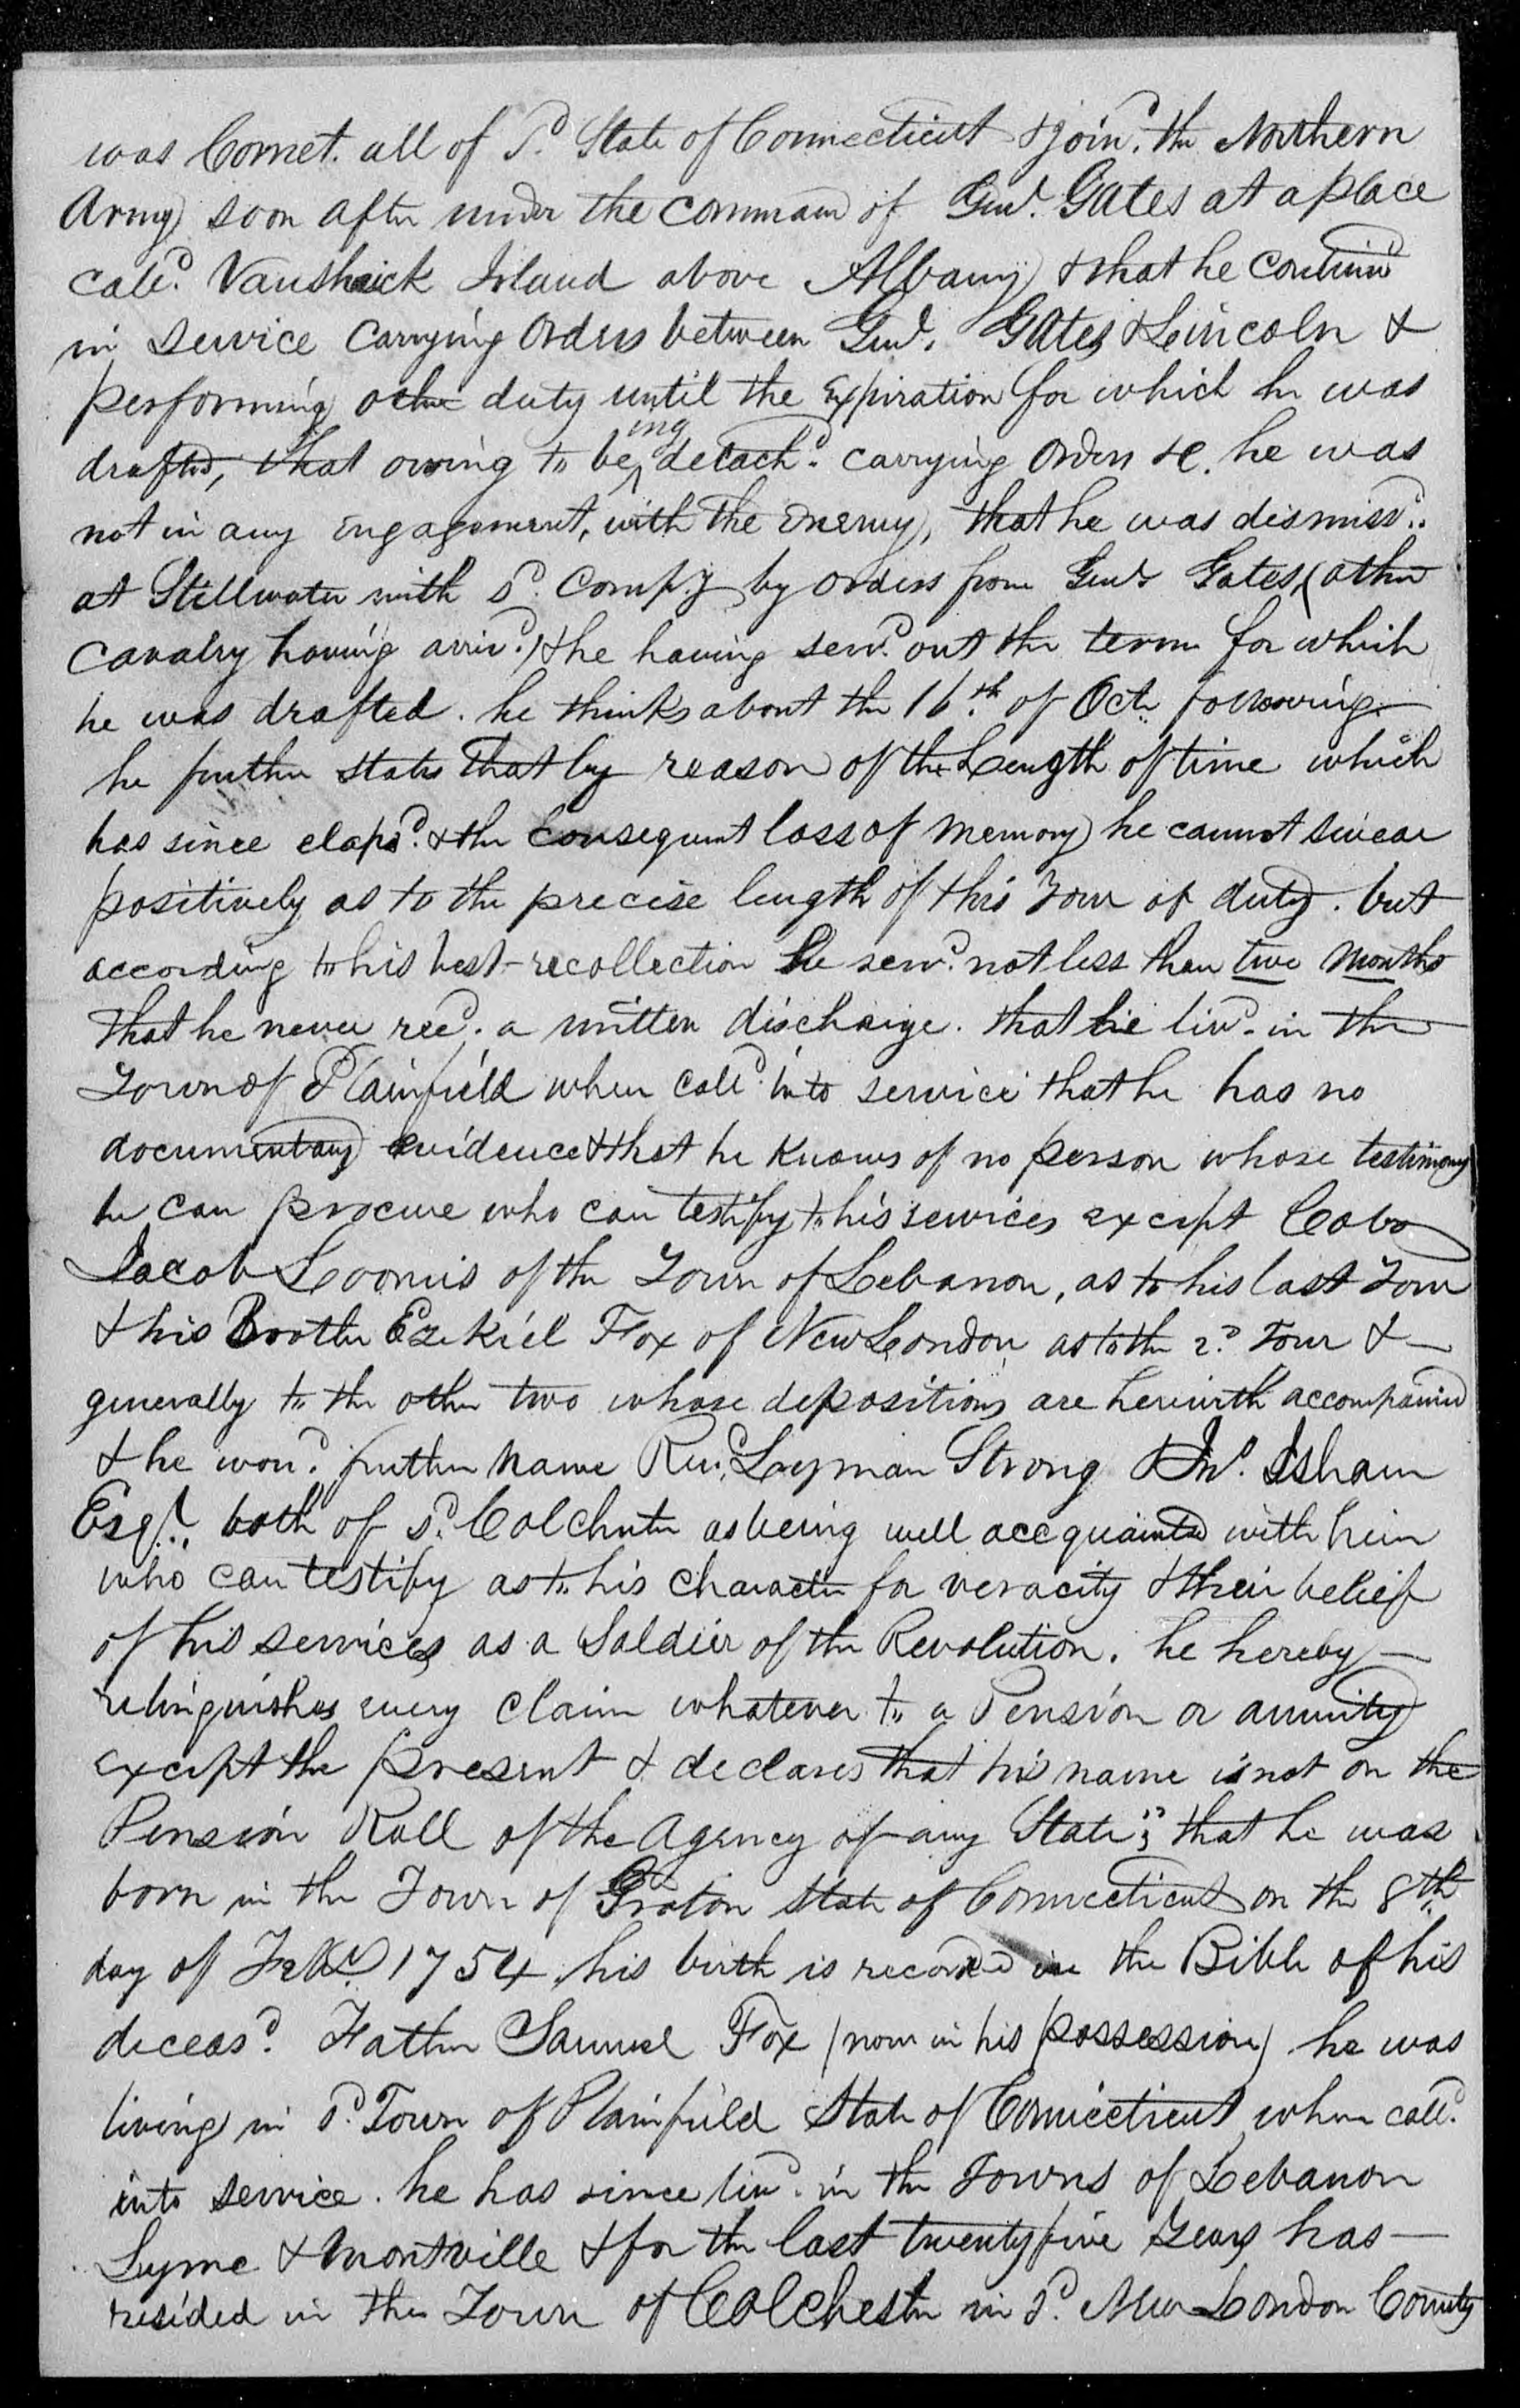was cornet all of sd State of Connecticut & joined the northern army soon after under the command of Genl. Gates at a place called Naushick Island above Albany & that he continued in service carrying orders between Genl. Gates & Lincoln & performing other duty until the expiration for which he was drafted, that owing to being detachd carrying orders &c he was not in any engagement, with the enemy, that he was dismissed at Stillwater with sd compy bu orders from Genl. Gates, other cavalry having arrivd & he having servd out the term for which he was drafted, he thinks about the 16th of Oct following he further states that by reason of the length of time which has since elapsd & the consequent loss of memory he cannot swear positively as to the precise length of this tour of duty, but according to his best recollection he servd not less than two months that he never recd a written discharge, that he livd in the town of Plainfield when calld into service that he has no documentary evidence & that he knows of no person whose testimony he can procure who can testify to his services except Colo. Jacob Loomis of the town of Lebanon, as to his last tour & Brother Ezekiel Fox of New London, as to the 2d tour & generally to the other two whose depositions are herewith accompanied & he woud further name  Rev. Layman Strong & Jno Isham Esq, both of sd Colchester as being well acquainted with him who can testify as to his character for veracity & their belief of his services as a soldier of the Revolution, he hereby relinquishes every claim whatever to a pension or annuity except the present & declares that his name is not on the Pension Roll of the agency of any State; that he was born in the town of Groton State of Connecticut on the 8th day of Feby 1754 his borth is recorded in the Bible of his deceasd Father Samuel Fox (now in his possession) he was living in sd Town of Plainfield State of Connecticut when calld into service, he has since livd in the towns of Lebanon Lyme & Montville & for the last twenty five years has resided in the town of Colchester in sd New London County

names: Chester, Gates, Lyman Strong, Samuel Fox, Jacob Loomis, Ezekiel Fox, Gates, Jno Isham, Gates, Vanshoick, Lincoln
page: 6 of 53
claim: rejected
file: R. 3732, Jesse Fox, Conn.